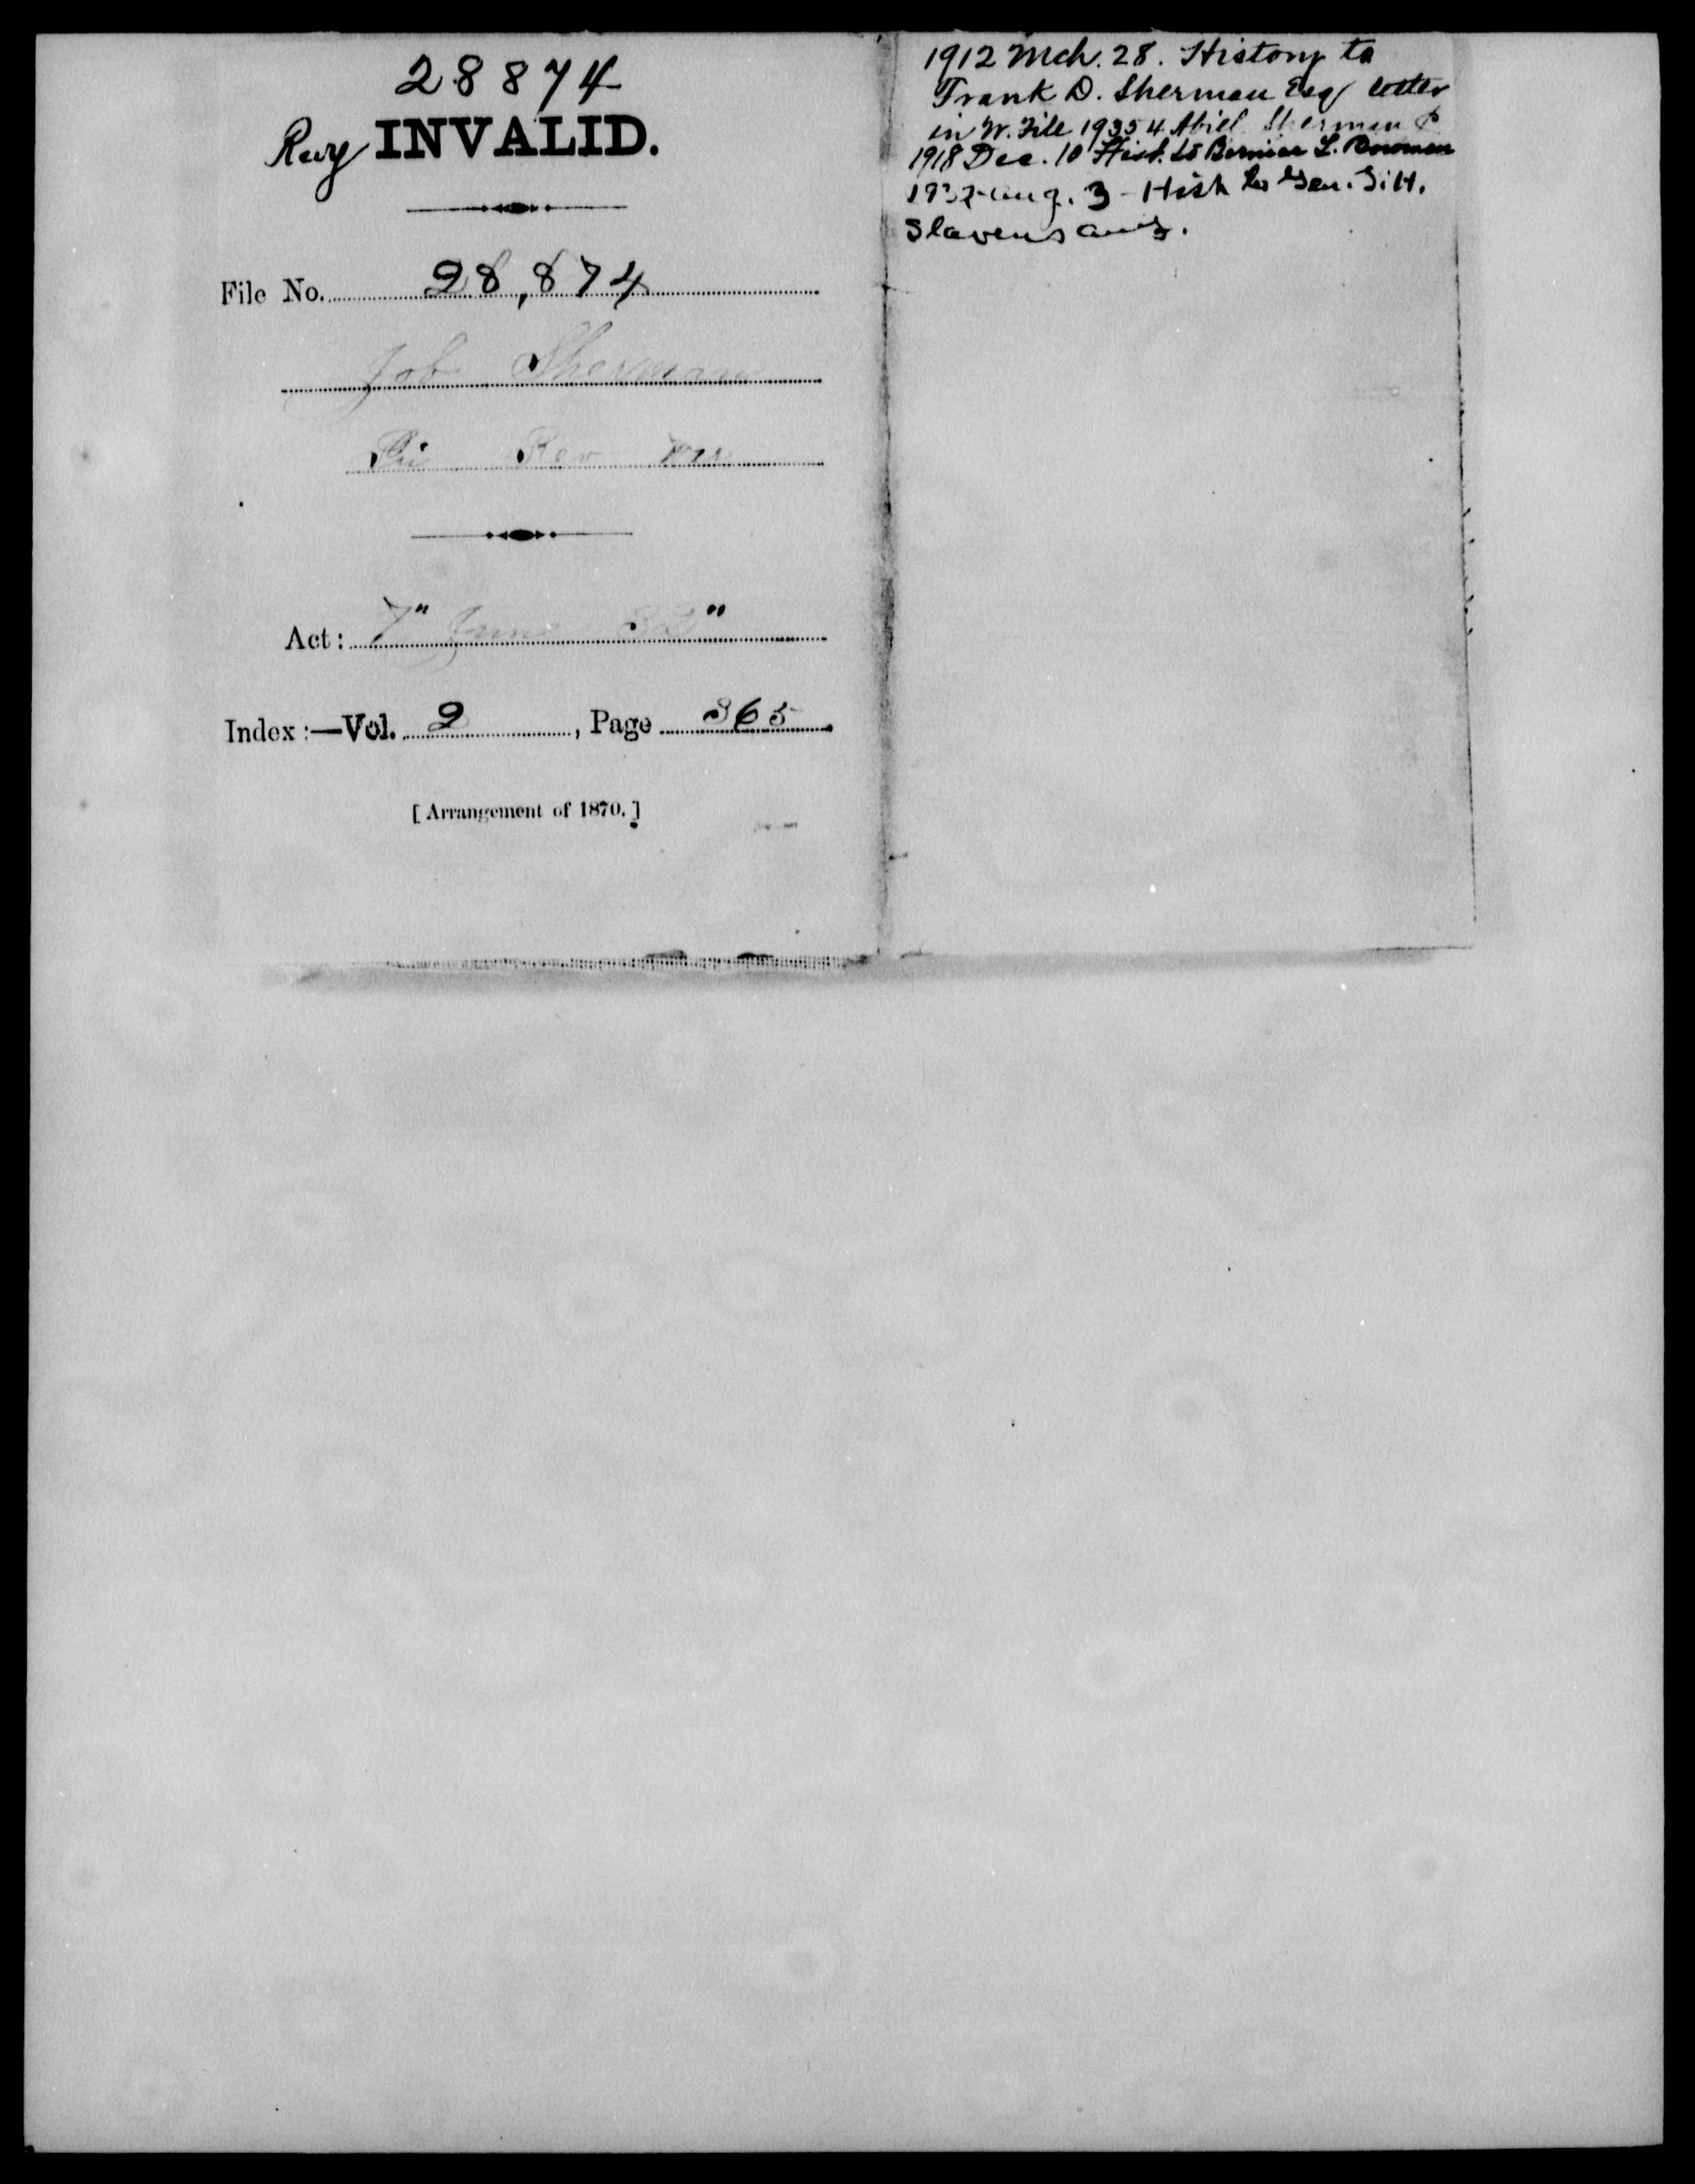[doc is printed, written & folded]
[left fold]
28874
Revy INVALID.
[line]
File No. 28,874
Job Sherman
Pri  Rev War
[line]
Act: 7 June 32
Index:-Vol. 2, Page 365
"[Arrangement of 1870]"

[right fold]
1912 Mch 28. History to
Frank D. Sherman Esq letter
in W. File 19354 Abiel Sherman 
1918 Dec 10. Hist to Bernice L. Bowman
1932 Aug 3 - Hist to Gen. T.H.
Slavens [illegible]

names: Abiel Sherman; Frank D Sherman; Job Sherman; T H Slavens; Bernice L Bowman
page: 7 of 10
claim: survivor's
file: S. 28,874, for Job Shearmon, New York